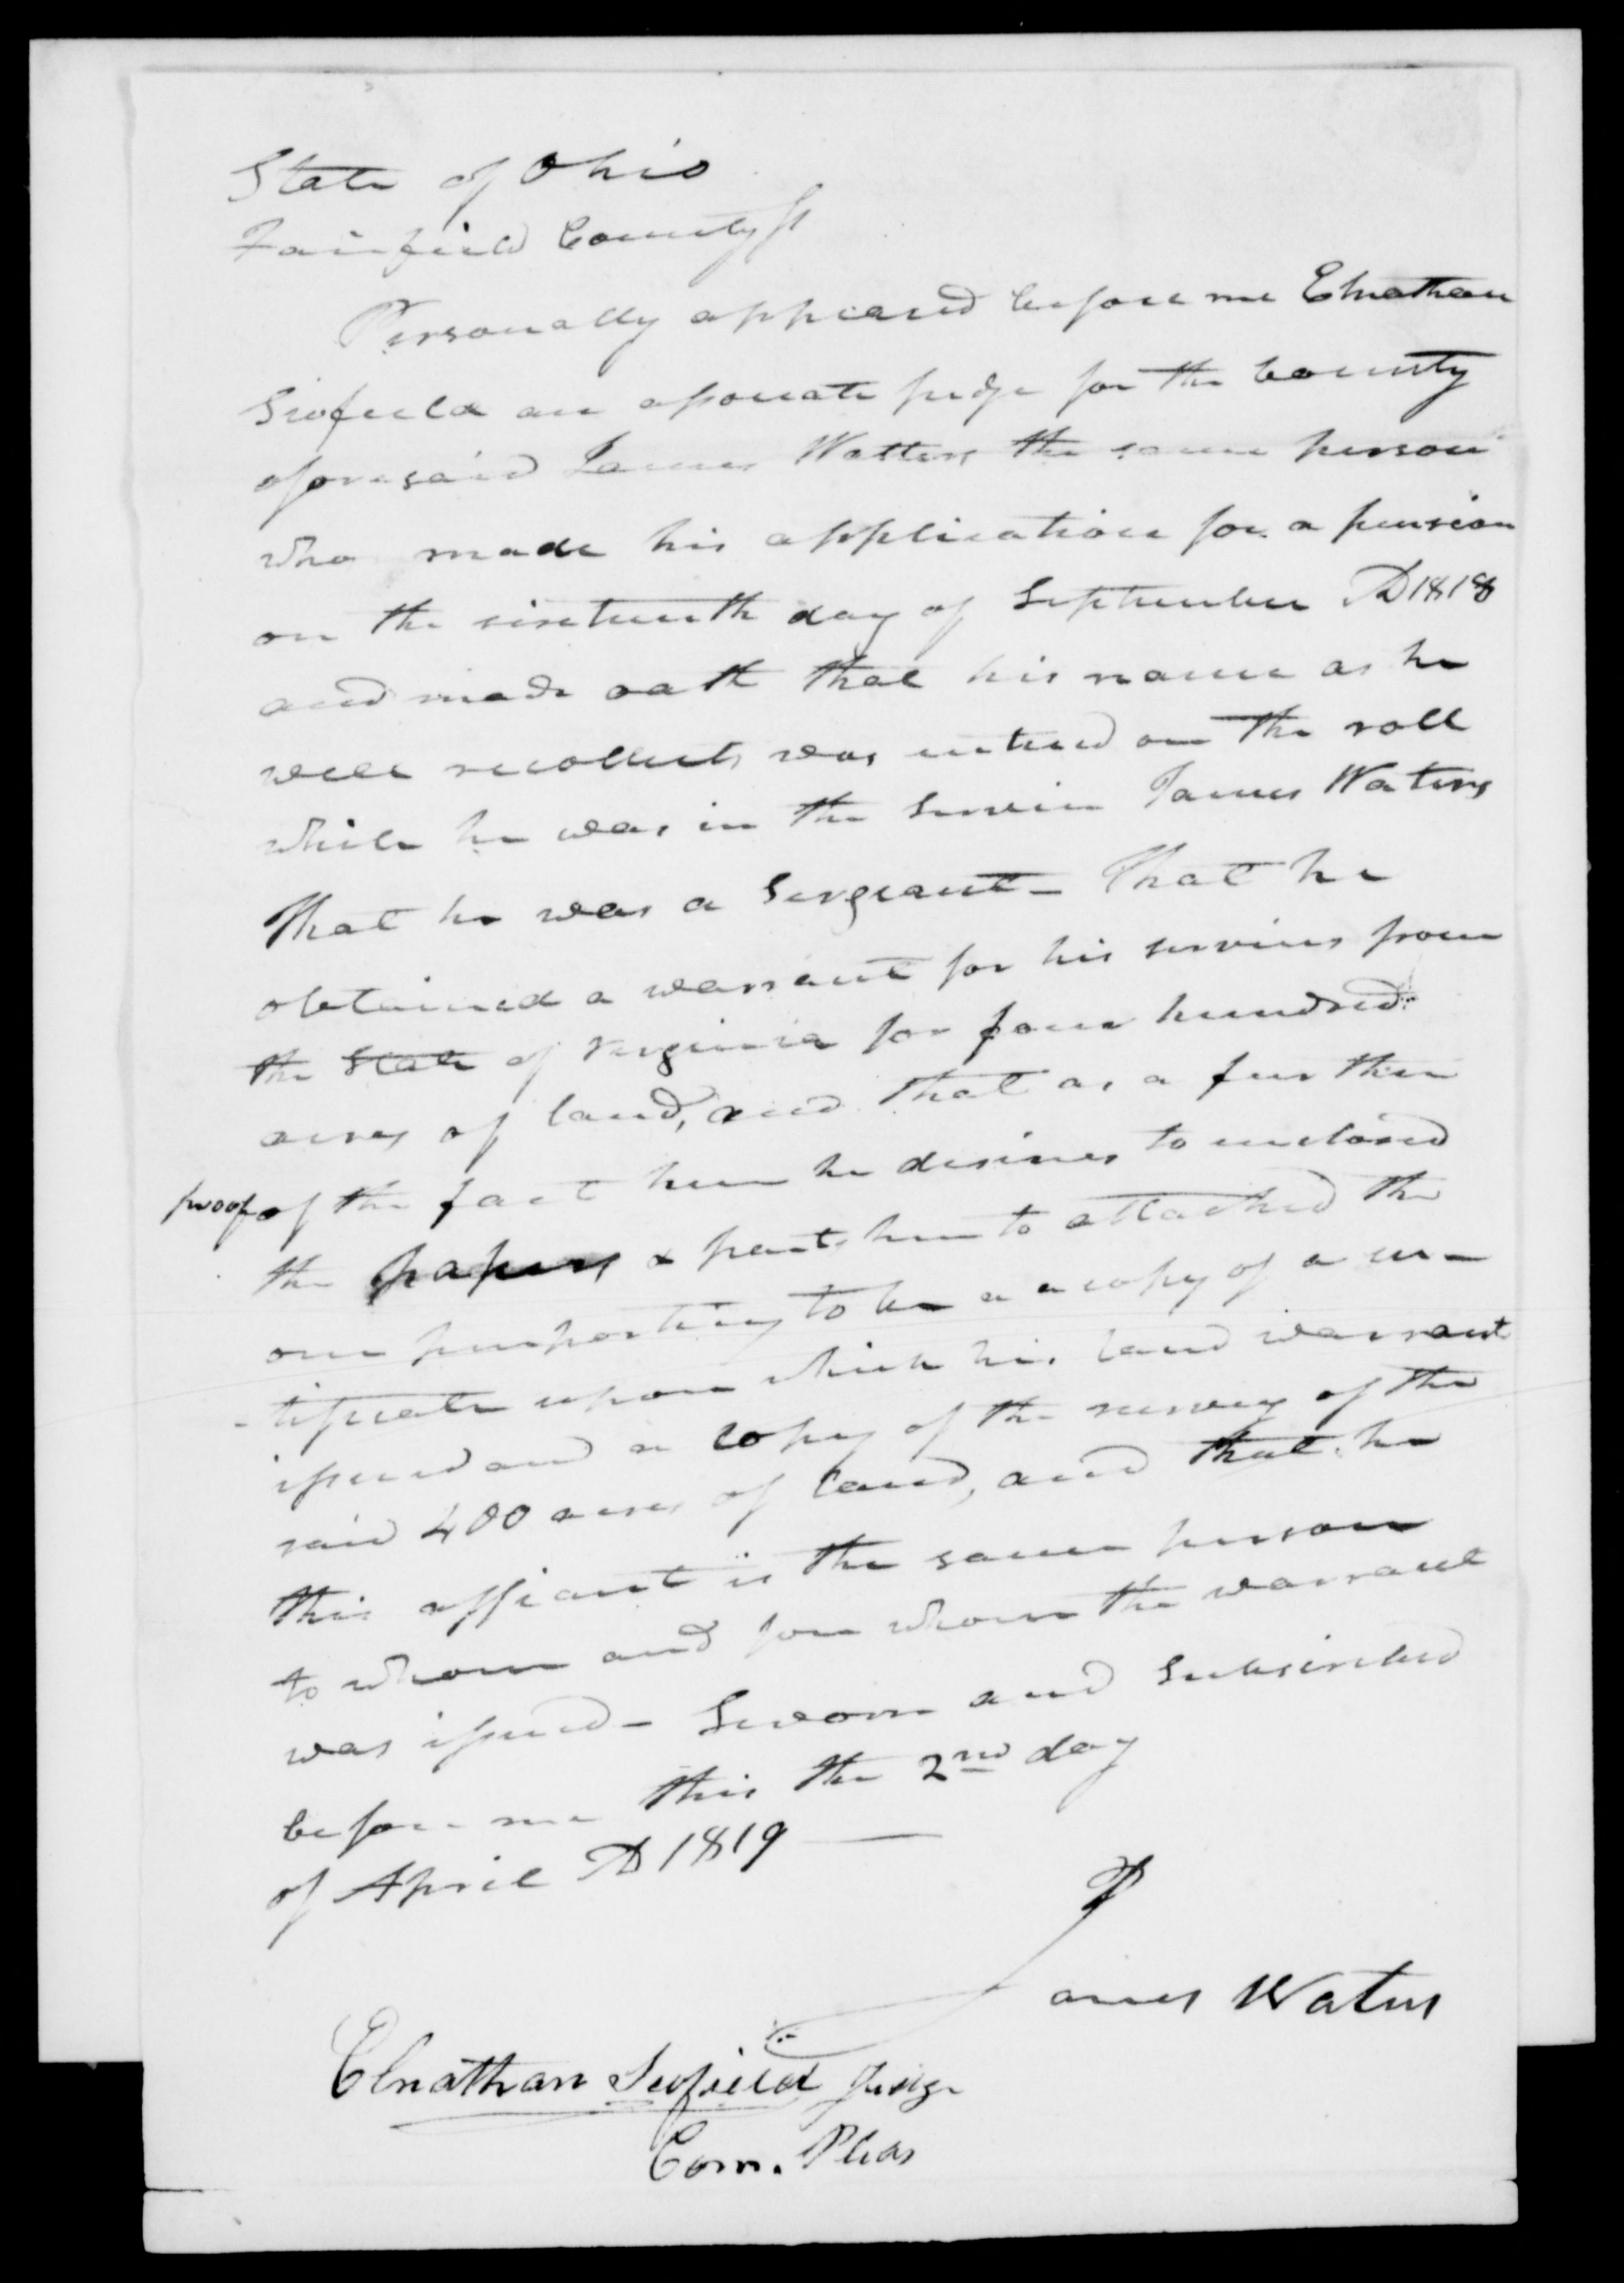State of Ohio
Fairfield County  ss

Personally appeared before me Elnathan Scofield an associate Judge for the County aforesaid James Watters the same person who made his application for a pension on the sixteenth day of September AD 1818 and made oath that his name as he well recollects was entered on the roll While he was in the Service James Waters That he was a Sergeant. -That he obtained a warrant for his serving from the State of Virginia for four hundred acres of land, and that as a further proof of the fact here he desires to enclosed the papers & parts hereto attached the one purporting to be a copy of a certificate upon which his land warrant issued and a copy of the survey of the said 400 acre of land, and that he this affiant is the same person to whom and for whom the warrant was issued. 
James Waters

Sworn and subscribed before me this the 2nd day of April AD 1819
Elnathan Suffield Judge  Com. Pleas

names: Elnathan Scofield, James Watters, James Waters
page: 21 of 29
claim: survivor's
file: S. 40642, James Waters, Continental (Md)